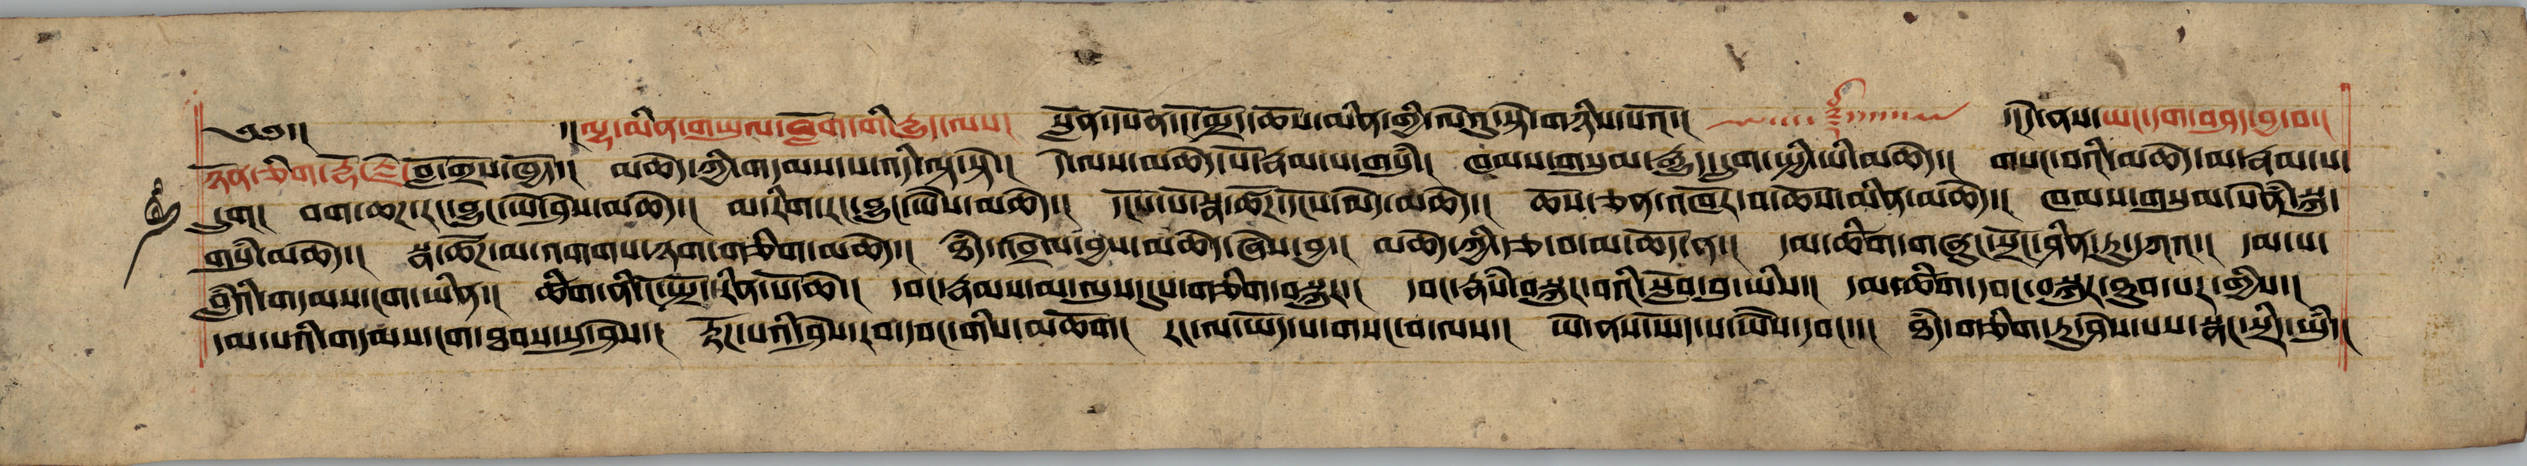༄༅་། ་།ལྷ་མིན་གཡུལ་ཟློག་གི་དྱུད་ལས། སློབ་དཔོན་ངོ་སྤྲོད་ཆོས་མིན་གྱི་ལེའུ་སྟེ་གཉིས་པའོ་། ༒ ་།དེ་ནས་ཡང་དག་བཤད་བྱ་བ་།
ཉོན་ཅིག་རྡོ་རྗེ་བློ་གྲོས་ཁྱོད་། མཆེད་ཀྱི་གདམས་པ་འདི་ལྟ་སྟེ་། དེ་ལས་མཆེད་པོ་རྣམ་པ་གསུཾ་། ཁམས་གསུམ་རྒྱུད་དྲུག་སྤྱི་ཡི་མཆེད་། གསང་བའི་མཆེད་མ་རྣམ་པ་
དྲུག། བག་ཆཌ་རང་བྱུང་ཡེ་ཤེས་མཆེད་། མ་རིག་རང་བྱུང་ཡཻས་མཆེད་། དངོས་པོ་སྣ་ཚོཌ་དངོས་མེད་མཆེད་། ཆོས་ཅན་འཁོར་བ་ཆོས་མིན་མཆེད་། ཁམས་གསུམ་སེནཾ་སྐུ་
གསུཾ་མཆེད་། སྣ་ཚོཌ་མ་འགགས་ཉག་གཅིག་མཆེད་། ཐདཾ་འབྲེལ་བྱས་མཆེད་ཞེས་བྱ་། མཆེད་ཀྱི་རྩ་བ་མ་ཆོད་ན་། དམ་ཚིག་གཞུང་སྲོང་ཤིན་ཏུ་དཀའ་། དམ་པ་
བླཾའི་གདམས་ངག་ཡིན་། ཚིག་ནི་ངོ་སྤྲོད་རིན་པོ་ཆེ་། དབང་རྣམས་མ་ལུས་དུས་གཅིག་བསྐུར་། དབང་རྣཾས་བསྐུར་བའི་སློབ་བུ་ཡིས་། དམ་ཚིག་དབང་བསྐུར་ཐུབ་པར་གྱིས་།
དམ་པའི་གདམས་ངག་ཐབས་སུ་ཤེས་། རྟོཌ་པའི་ཤེས་རབ་དབང་གིས་མཆོག། རང་ལ་ཡོད་པ་གསང་བ་ལས་། ཡེ་ནས་ཡོད་པ་ཡཻས་དབང་་། ཐདཾ་གཅིག་ཏུ་ཤེས་པས་སྣང་སྲིད་ཡུཾ་།